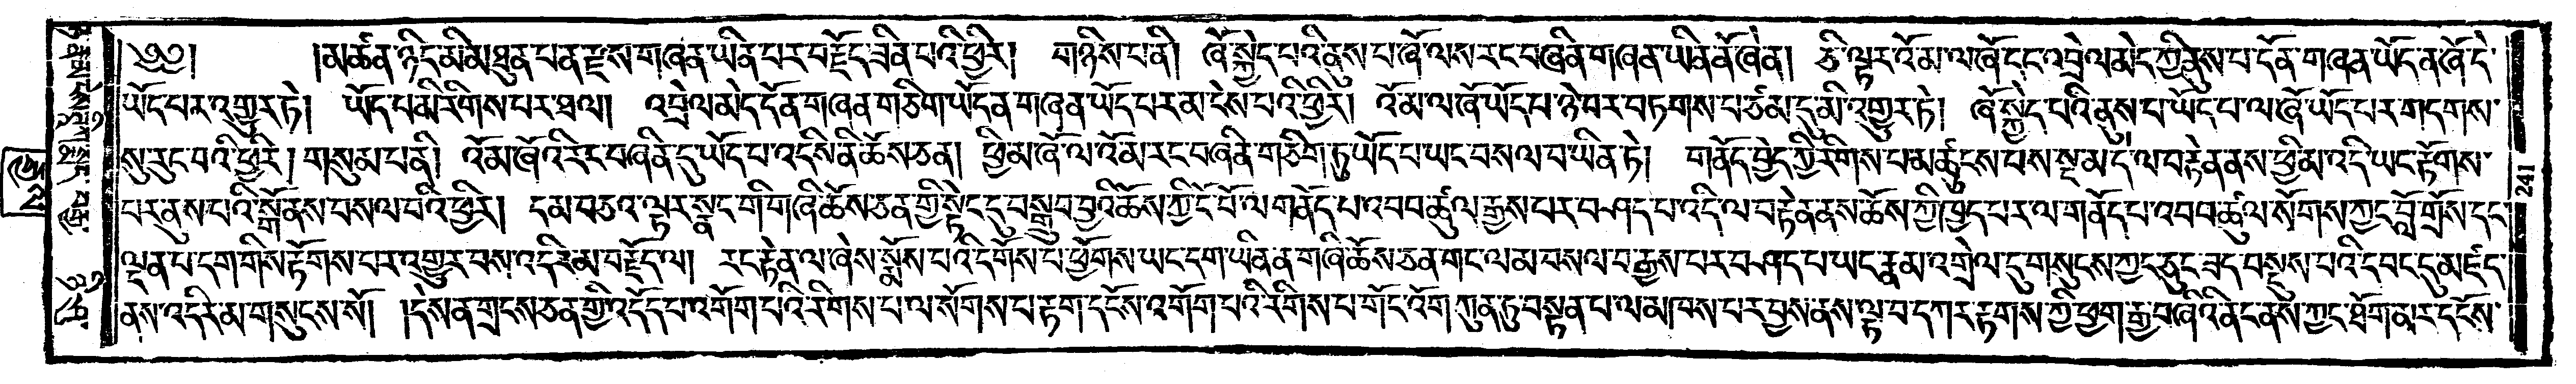༄༅། །མཚན་ཉིད་མི་མཐུན་པ་ན་རྫས་གཞན་ཡིན་པར་བརྗོད་ཟིན་པའི་ཕྱིར། གཉིས་པ་ནི། ཞོ་སྐྱེད་པའི་ནུས་པ་ཞོ་ལས་རང་བཞིན་གཞན་ཡིན་ནོ་ཞེ་ན། ཅི་ལྟར་འོ་མ་ལ་ཞོ་དང་འབྲེལ་མེད་ཀྱི་ནུས་པ་དོན་གཞན་ཡོད་ན་ཞོ་དེ་
ཡོང་པར་འགྱུར་ཏེ། ཡོད་པ་མི་རིགས་པར་ཐལ། འབྲེལ་མེད་དོན་གཞན་གཅིག་ཡོད་ན་གཞན་ཡོད་པར་མ་ངེས་པའི་ཕྱིར། འོ་མ་ལ་ཞོ་ཡོད་པ་ཉེ་བར་བཏགས་པ་ཙམ་དུ་མི་འགྱུར་ཏེ། ཞོ་སྐྱེད་པའི་ནུས་པ་ཡོད་པ་ལ་ཞོ་ཡོད་པར་གདགས་
སུ་རུང་བའི་ཕྱིར། གསུམ་པ་ནི། འོ་མ་ཞོའི་རང་བཞིན་དུ་ཡོད་པ་འདིས་ནི་ཆོས་ཅན། ཕྱི་མ་ཞོ་ལ་འོ་མ་རང་བཞིན་གཅིག་ཏུ་ཡོད་པ་ཡང་བསལ་བ་ཡིན་ཏེ། གནོད་བྱེད་ཀྱི་རིགས་པ་མཚུངས་པས་སྔ་མ་དེ་ལ་བརྟེན་ནས་ཕྱི་མ་འདི་ཡང་རྟོགས་
པར་ནུས་པའི་སྒོ་ནས་བསལ་བའི་ཕྱིར། དམ་བཅའ་ལྟར་སྣང་གི་གཞི་ཆོས་ཅན་གྱི་སྟེང་དུ་བསྒྲུབ་བྱའི་ཆོས་ཀྱི་ངོ་བོ་ལ་གནོད་པ་འབབ་ཚུལ་རྒྱས་པར་བཤད་པ་འདི་ལ་བརྟེན་ནས་ཆོས་ཀྱི་ཁྱད་པར་ལ་གནོད་པ་འབབ་ཚུལ་སོགས་ཀྱང་བློ་གྲོས་དང་
ལྡན་པ་དག་གིས་རྟོགས་པར་འགྱུར་པས་འདིར་མ་བརྗོད་ལ། རང་རྟེན་ལ་ཞེས་སྨོས་པའི་དགོས་པ་ཕྱོགས་ཡང་དག་ཡིན་ན་གཞི་ཆོས་ཅན་གང་ལ་མ་བསལ་བ་རྒྱས་བར་བཤད་པ་ཡང་རྣམ་འགྲེལ་དུ་གསུངས་ཀྱང་ཅུང་ཟད་བསྡུས་པའི་དབང་དུ་མཛད་
ནས་འདིར་མ་གསུངས་སོ། །དེས་ན་གྲངས་ཅན་གྱི་འདོད་པ་འགོག་པའི་རིགས་པ་ལ་སོགས་པ་རྟག་དངོས་འགོག་པའི་རིགས་པ་གོང་འོག་ཀུན་ཏུ་བསྟན་པ་ལ་མཁས་པར་བྱས་ནས་ལྟ་བ་དཀར་རྟགས་ཀྱི་ཕྱག་རྒྱ་བཞིའི་ནང་ནས་ཀྱང་ཐོག་མར་དངོས་